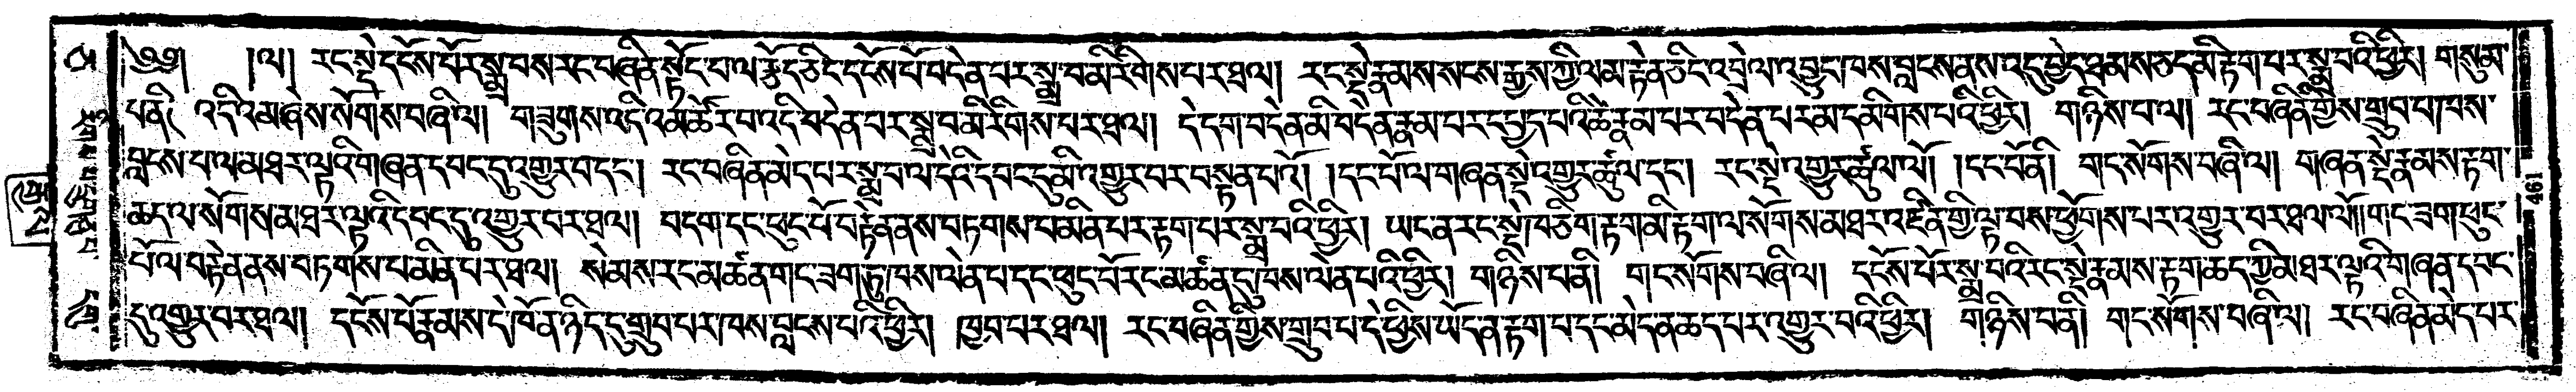༄༅། །ལ། རང་སྡེ་དངོས་པོར་སྨྲ་བས་རང་བཞིན་སྟོང་པ་ལ་རྩོད་ཅིང་དངོས་པོ་བདེན་པར་སྨྲ་བ་མི་རིགས་པར་ཐལ། རང་སྡེ་རྣམས་སངས་རྒྱས་ཀྱི་ལམ་རྟེན་ཅིང་འབྲེལ་འབྱུང་ཁས་བླངས་ནས་འདུ་བྱེད་ཐམས་ཅད་མི་རྟག་པར་སྨྲ་བའི་ཕྱིར། གསུམ་
པ་ནི། འདིའམ་ཞེས་སོགས་བཞི་ལ། གཟུགས་འདིའམ་ཚོར་བ་འདི་བདེན་པར་སྨྲ་བ་མི་རིགས་པར་ཐལ། དེ་དག་བདེན་མི་བདེན་རྣམ་པར་དཔྱད་པའི་ཚེ་རྣམ་པར་བདེན་པར་མ་དམིགས་པའི་ཕྱིར། གཉིས་པ་ལ། རང་བཞིན་གྱིས་གྲུབ་པ་ཁས་
བླངས་པ་ལ་མཐར་ལྟའི་གཞན་དབང་དུ་འགྱུར་བ་དང་། རང་བཞིན་མེད་པར་སྨྲ་བ་ལ་དེའི་དབང་དུ་མི་འགྱུར་བར་བསྟན་པའོ། །དང་པོ་ལ་གཞན་སྡེ་འགྱུར་ཚུལ་དང་། རང་སྡེ་འགྱུར་ཚུལ་ལོ། །དང་པོ་ནི། གང་སོགས་བཞི་ལ། གཞན་སྡེ་རྣམས་རྟག་
ཆད་ལ་སོགས་མཐར་ལྟའི་དབང་དུ་འགྱུར་པར་ཐལ། བདག་དང་ཕུང་པོ་བརྟེན་ནས་བཏགས་པ་མིན་པར་རྟག་པར་སྨྲ་བའི་ཕྱིར། ཡང་ན་རང་སྡེ་ཁ་ཅིག་རྟག་མི་རྟག་ལ་སོགས་མཐར་འཛིན་གྱི་ལྟ་བས་ཕྱོགས་པར་འགྱུར་བར་ཐལ་ལོ། །གང་ཟག་ཕུང་
པོ་ལ་བརྟེན་ནས་བཏགས་པ་མིན་པར་ཐལ། སེམས་རང་མཚན་གང་ཟག་ཏུ་ཁས་ལེན་པ་དང་ཕུང་པོ་རང་མཚན་དུ་ཁས་ལེན་པའི་ཕྱིར། གཉིས་པ་ནི། གང་སོགས་བཞི་ལ། དངོས་པོར་སྨྲ་བའི་རང་སྡེ་རྣམས་རྟག་ཆད་ཀྱི་མཐར་ལྟའི་གཞན་དབང་
དུ་འགྱུར་བར་ཐལ། དངོས་པོ་རྣམས་དེ་ཁོ་ན་ཉིད་དུ་གྲུབ་པར་ཁས་བླངས་པའི་ཕྱིར། ཁྱབ་པར་ཐལ། རང་བཞིན་གྱིས་གྲུབ་པ་དེ་ཕྱིས་ཡོད་ན་རྟག་པ་དང་མེད་ན་ཆད་པར་འགྱུར་བའི་ཕྱིར། གཉིས་པ་ནི། གང་སོགས་བཞི་ལ། རང་བཞིན་མེད་པར་